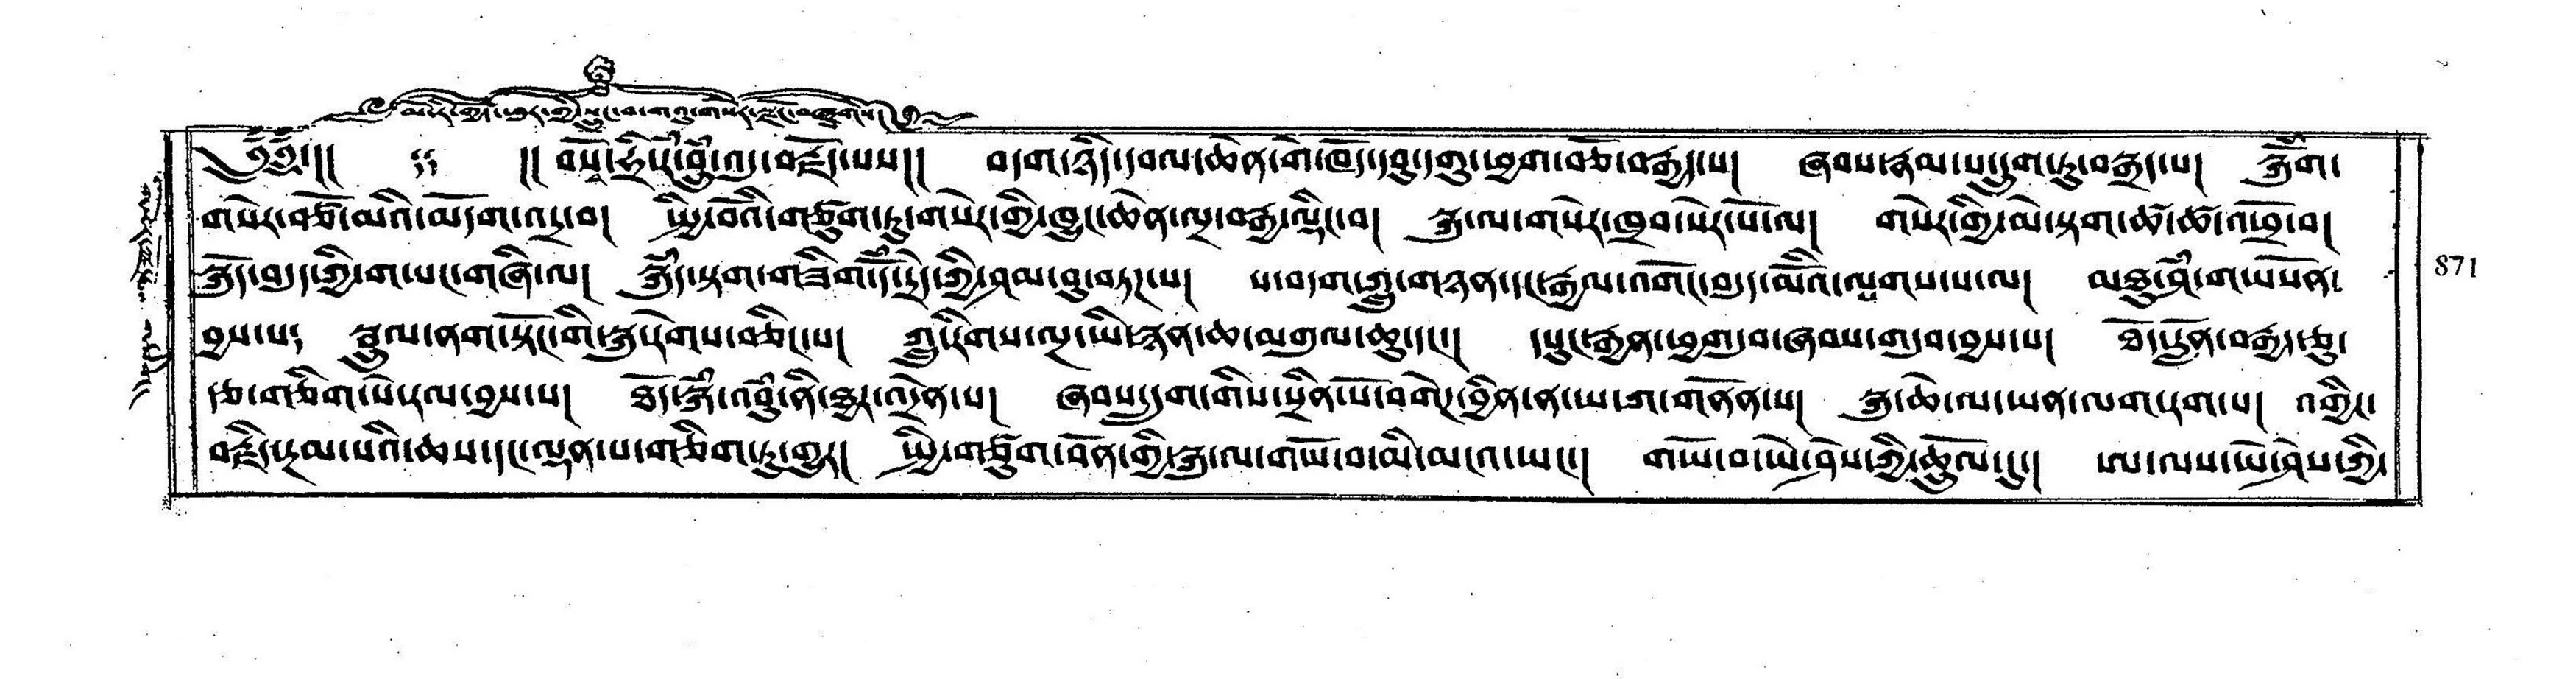༄༅།། །།བསྭོ་ཧྲི་རཾ་བྲུཾ་འདུ་བརྗོད་པས།། བདག་ཉིད་དབལ་ཆེན་གེ་ཁོད་དབུ་དགུ་ཕྱག་བཅོ་བརྒྱད་པ། ཞབས་རྣམ་པ་དྲུག་ཏུ་བསྒྲད་པ། སྐུ་མདོག་
གསེར་བཙོ་མའི་མདོག་འདྲ་བ། སྤྱི་བོའི་གཙུག་ཏུ་གསེར་གྱི་ཁྱུང་ཆེན་ལྔ་བརྒྱ་ལྡིང་བ། སྐུ་ལ་གསེར་ཁྲབ་སེར་པོ་ལ། གསེར་གྱི་མེ་སྟག་ཚ་ཚ་འཕྲོ་བ། 
སྐུ་སྟོད་བདུད་ཀྱི་གཡང་གཞི་ལ། སྐུ་སྨད་སྟག་གཟིག་དོམ་དྲེད་ཀྱི་ཤམ་བུ་བཏགས་པ། ས་བདག་ཀླུ་གཉན་དང་རྒྱལ་འགོང་བདུད་མོའི་ལྤགས་པ་ལ། མཐུ་ཤམ་གཡས་གཡོན་
བྱས་པ། སྦྲུལ་ནག་སྟོང་གི་སྐུ་རེགས་བཅིང་པ། ཀླུ་རིགས་ལྔ་ཡི་སྙན་ཆ་མགུལ་ཆུ་དང་། དཔུང་རྒྱན་ཕྱག་གདུབ་ཞབས་གདུབ་བྱས་པ། ཐོད་རློན་བརྒྱད་ཅུ་
རྩ་གཅིག་སེ་རལ་བྱས་པ། ཐོད་སྐམ་འབུམ་ནི་ཐུགས་ཁར་འདྲེན་པ། ཞབས་དྲུག་གིས་སྲིན་པོ་བགེགས་བྱིན་ན་ཡ་ཀ་གནོན་པ། སྐུ་ཆེ་ལ་ཡན་ལག་རག་པ། འགྱིང་
བརྗིད་རྔམ་པའི་ཆས་དང་ལྡན་པ་གཅིག་ཏུ་གྱུར། སྤྱི་གཙུག་བོན་གྱི་སྐུ་ལ་གཡོ་བ་མི་མངའ་ཡང་། གཡོ་བ་ཡེ་ཤེས་ཀྱི་ཆོ་འཕྲུལ་དུ། ཨ་ལས་ཡེ་ཤེས་ཀྱི་